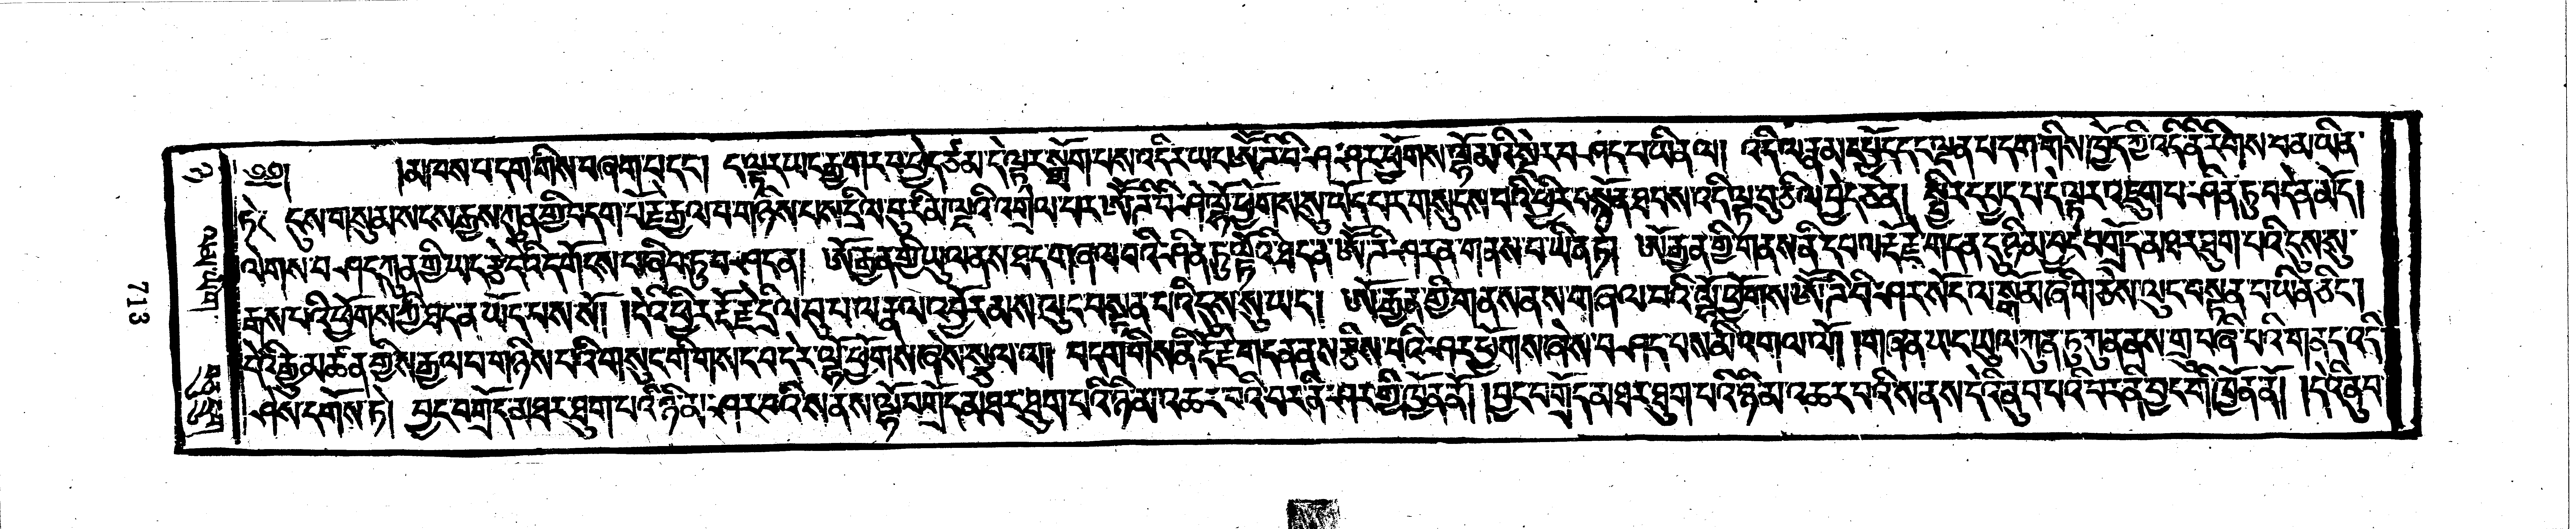༄༅། །མཁས་པ་དག་གིས་བཞག་པ་དང་། ད་ལྟར་ཡང་རྒྱ་གར་བ་ཕྱེད་ཙམ་དེ་ལྟར་སྒྲོག་པས་འདིར་ཡང་ཨཽ་ཌི་བོ་ཤ་ཤར་ཕྱོགས་ལྷོ་མའི་སྔེར་བཤད་པ་ཡིན་ལ། འདི་ལ་རྣམ་དཔྱོད་དང་ལྡན་པ་དག་གིས་ཁྱོད་ཀྱི་འདི་ནི་རིགས་པ་མ་ཡིན་
ཏེ༑ དུས་གསུམ་སངས་རྒྱས་ཀུན་གྱི་བདག་པོ་རྗེ་རྒྱལ་བ་གཉིས་པས་དྲིལ་བུ་རིམ་ལྔའི་འགྲེལ་བར་ཨཽ་ཌི་བི་ཤེ་ལྷོ་ཕྱོགས་སུ་ཡོད་པར་གསུངས་པའི་ཕྱིར་བསྙོན་ཐབས་འདི་ལྟ་བུ་ཅིལ་བྱེད་ཅེན། སྦྱིར་དཔྱད་པ་དེ་ལྟར་འཇུག་པ་ཤིན་ཏུ་བདེན་མོད།
ལེགས་བཤད་ཀུན་གྱི་ཡང་རྩེ་དེའི་དགོངས་བ་ཞིབ་ཏུ་བཤད་ན། ཨོ་རྒྱན་གྱི་ཡུལ་ནས་ཐད་གཞལ་བའི་ཤིན་ཏུ་ལྟོའི་ཐད་ན་ཨཽ་ཌི་ཤར་ན་གནས་པ་ཡིན་ཏེ། ཨོ་རྒྱན་གྱི་གནས་ནི་དཔལ་རྡོ་རྗེ་གདན་དུ་ཉི་མ་བྱང་བགྲོད་མཐར་ཐུག་པའི་དུས་སུ་
རྒས་པའི་ཕྱོགས་ཀྱི་ཐད་ན་ཡོད་པས་སོ། །དེའི་ཕྱིར་རྡོ་རྗེ་དྲིལ་བུ་པ་ལ་རྣལ་འབྱོར་མས་ལུང་བསྟན་པའི་དུས་སུ་ཡང་། ཨོ་རྒྱན་གྱི་གནས་ནས་གཞལ་བའི་ལྷོ་ཕྱོགས་ཨཽ་ཌི་བི་ཤར་སོང་ལ་སྒོམ་ཞིག་ཅེས་ལུང་བསྟན་པ་ཡིན་ཅིང་།
དེའི་རྒྱུ་མཚན་གྱིས་རྒྱལ་པ་གཉིས་པའི་གསུང་གི་གསང་བ་དེར་ལྷོ་ཕྱོགས་ཞེས་སྩལ་ལ། བདག་གིས་ནི་རྡོ་རྗེ་གདན་ནས་རྩིས་པའི་ཤར་ཕྱོགས་ཞེས་བཤད་པས་མི་འགལ་ལོ། །གཞན་ཡང་ཡུལ་ཀུན་ཏུ་ཀུན་ནས་གྲུ་བཞི་པའི་གནད་འདི་
ཤེས་དགོས་ཏེ། བྱང་བགྲོད་མཐར་ཐུག་པའི་ཉི་མ་ཤར་བའི་ས་ནས་ལྷོ་བགྲོད་མཐར་ཐུག་པའི་ཉི་མ་འཆར་བའི་བར་ནི་ཤར་གྱི་ཁྱོན་ནོ། །བྱང་བགྲོད་མཐར་ཐུག་པའི་ཉི་མ་འཆར་བའི་ས་ནས་དེའི་ནུབ་པའི་པར་ནི་བྱང་གི་ཁྱོན་ནོ། །དེའི་ནུབ་